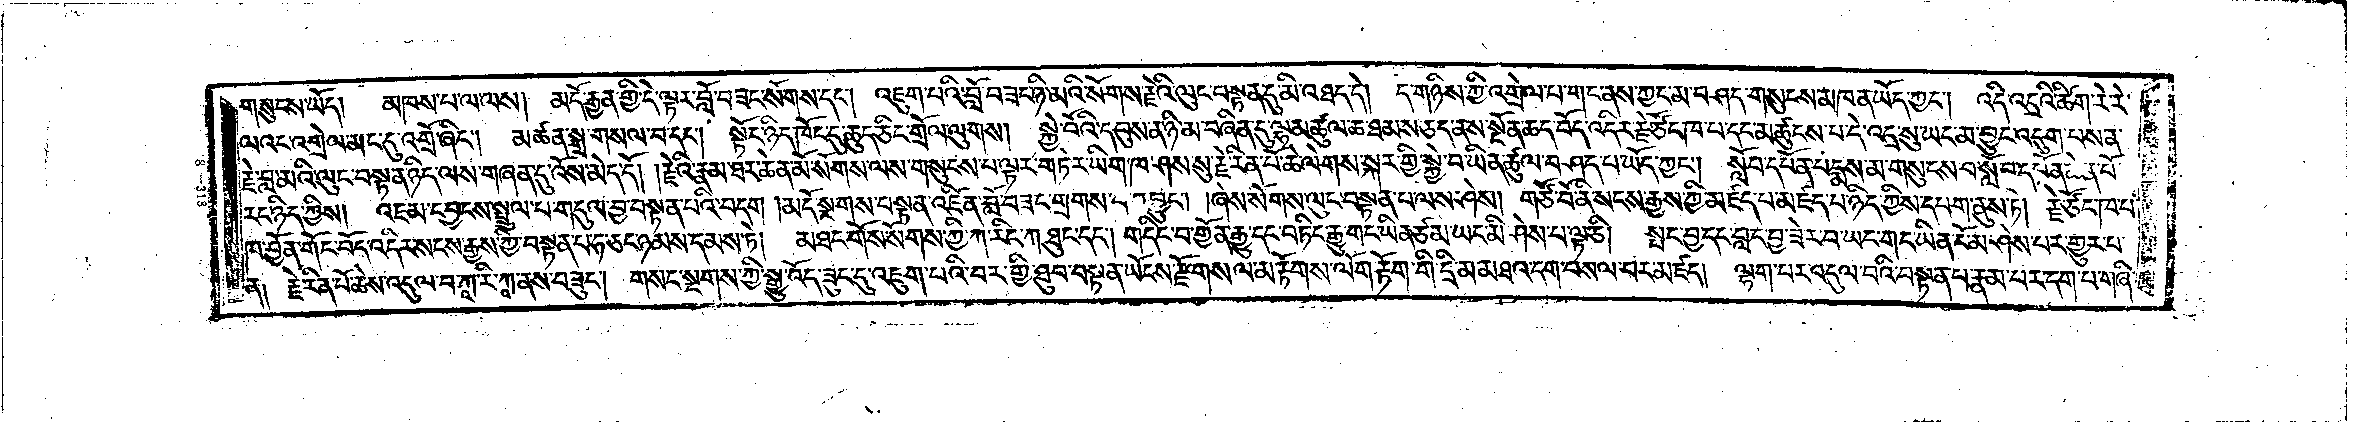གསུངས་ཡོད། མཁས་པ་ལ་ལས། མདོ་རྒྱན་གྱི་དེ་ལྟར་བློ་བཟང་སོགས་དང་། འཇུག་པའི་བློ་བཟང་ཉི་མའི་སོགས་རྗེའི་ལུང་བསྟན་དུ་མི་འཐད་དེ། དེ་གཉིས་ཀྱི་འགྲེལ་པ་གང་ནས་ཀྱང་མ་བཤད་གསུངས་མཁན་ཡོད་ཀྱང་། འདི་འདྲའི་ཚིག་རེ་རེ་
ལའང་འགྲེལ་མང་དུ་འགྲོ་ཞིང་། མཚན་སྒྲ་གསལ་བ་དང་། སྟོང་ཉིད་ཁོང་དུ་ཆུད་ཅིང་གྲོལ་ལུགས། སྐྱེ་བོའི་དབུས་ན་ཉི་མ་བཞིན་དུ་ལྷམ་ཚུལ་ཆ་ཐམས་ཅད་ནས་སྔོན་ཆད་བོད་འདིར་རྗེ་ཙོང་ཁ་པ་དང་མཚུངས་པ་དེ་འདྲ་སུ་ཡང་མ་བྱུང་འདུག་པས་ན་
རྗེ་བླ་མའི་ལུང་བསྟན་ཉིད་ལས་གཞན་དུ་འོས་མེད་དོ། །རྗེའི་རྣམ་ཐར་ཆེན་མོ་སོགས་ལས་གསུངས་པ་ལྟར་གཏེར་ཡིག་ཁ་ཤས་སུ་རྗེ་རིན་པོ་ཆེ་ལེགས་སྐར་གྱི་སྐྱེ་བ་ཡིན་ཚུལ་བཤད་པ་ཡོད་ཀྱང་། སློབ་དཔོན་པདམས་མ་གསུངས་པ་སློབ་དཔོན་ཆེན་པོ་
རང་ཉིད་ཀྱིས། འཇམ་དབྱངས་སྤྲུལ་པ་གདུལ་བྱ་བསྟན་པའི་བདག །མདོ་སྔགས་བསྟན་འཛིན་བློ་བཟང་གྲགས་པ་འབྱུང་། །ཞེས་སོགས་ལུང་བསྟན་པ་ལས་ཤེས། གཙོ་བོ་ནི་སངས་རྒྱས་ཀྱི་མཛད་པ་མཛད་པ་ཉིད་ཀྱིས་དཔག་ནུས་ཏེ། རྗེ་ཙོང་ཁ་པ་
མ་བྱོན་གོང་བོད་འདིར་སངས་རྒྱས་ཀྱི་བསྟན་པ་ཧ་ཅང་ཉམས་དམས་ཏེ། མཐང་གོས་སོགས་ཀྱི་ཀ་རིང་ཀ་ཐུང་དང་། གདིང་བ་གྱོན་རྒྱུ་དང་བཏིང་རྒྱུ་གང་ཡིན་ཙམ་ཡང་མི་ཤེས་པ་ལྟ་ཅི། སྤང་བྱ་དང་བླང་བྱ་ཟེར་བ་ཡང་གང་ཡིན་ངོ་མ་ཤེས་པར་གྱུར་པ་
ན༑ རྗེ་རིན་པོ་ཆེས་འདུལ་བ་ཀླ་རི་ཀླ་ནས་བཟུང་། གསང་སྔགས་ཀྱི་སྒྱུ་འོད་ཟུང་དུ་འཇུག་པའི་བར་གྱི་ཐུབ་བསྟན་ཡོངས་རྫོགས་ལ་མ་རྟོགས་ལོག་རྟོག་གི་དྲི་མ་མཐའ་དག་བསལ་བར་མཛད། ལྷག་པར་འདུལ་བའི་བསྟན་པ་རྣམ་པར་དག་པ་གཞི་